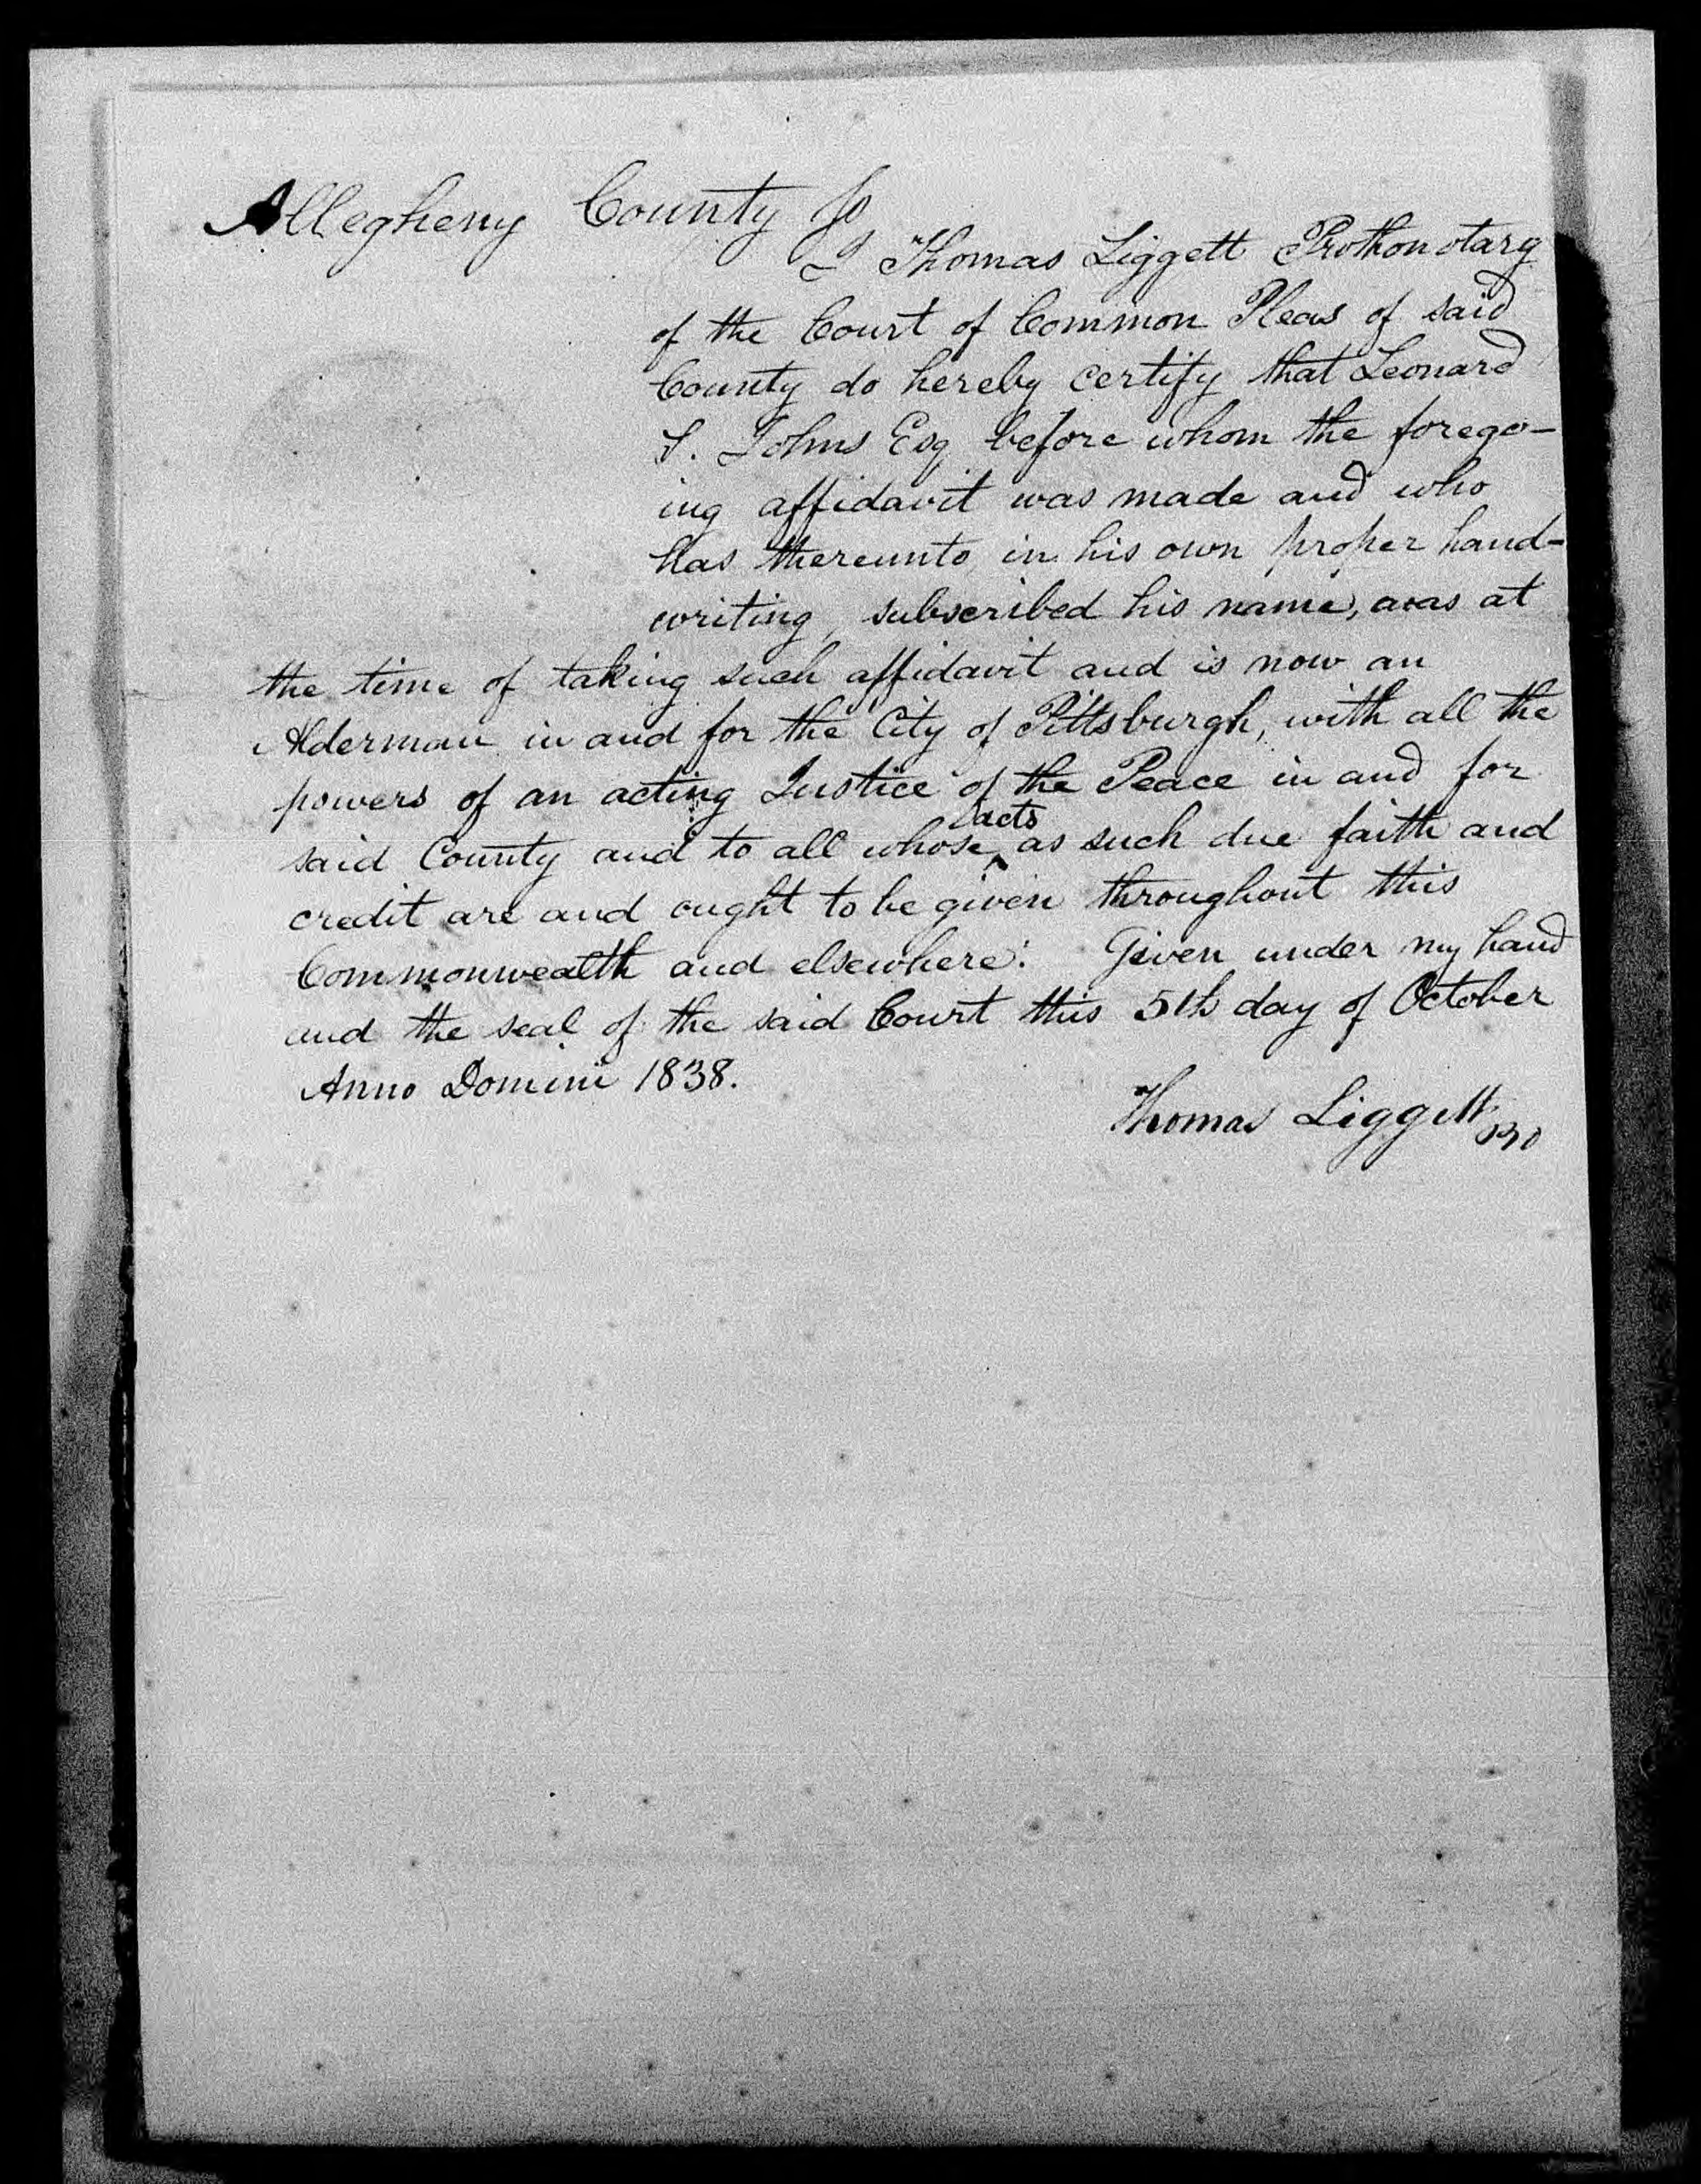Allegheny County  ss

I Thomas Liggett Prothonotary of the Court of Common Pleas of said County do hereby certify that Leonard T. Johns Esq. before whom the foregoing affidavit was made and who has thereunto in his own proper handwriting, subscribed his name, was at the time of taking such affidavit and is now an Alderman in and for the City of Pittsburgh, with all the powers of an acting Justice of the Peace in and for the said County and to all whose acts as such due faith and credit are and ought to be given throughout this Commonwealth and elsewhere.  Given under my hand and the seal of the said Court this 5th day of October Anno Domini 1838.

Thomas Liggett Pro

[shadow of a seal]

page: 7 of 50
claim: widow's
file: W. 4253, for John Kent, Vermont